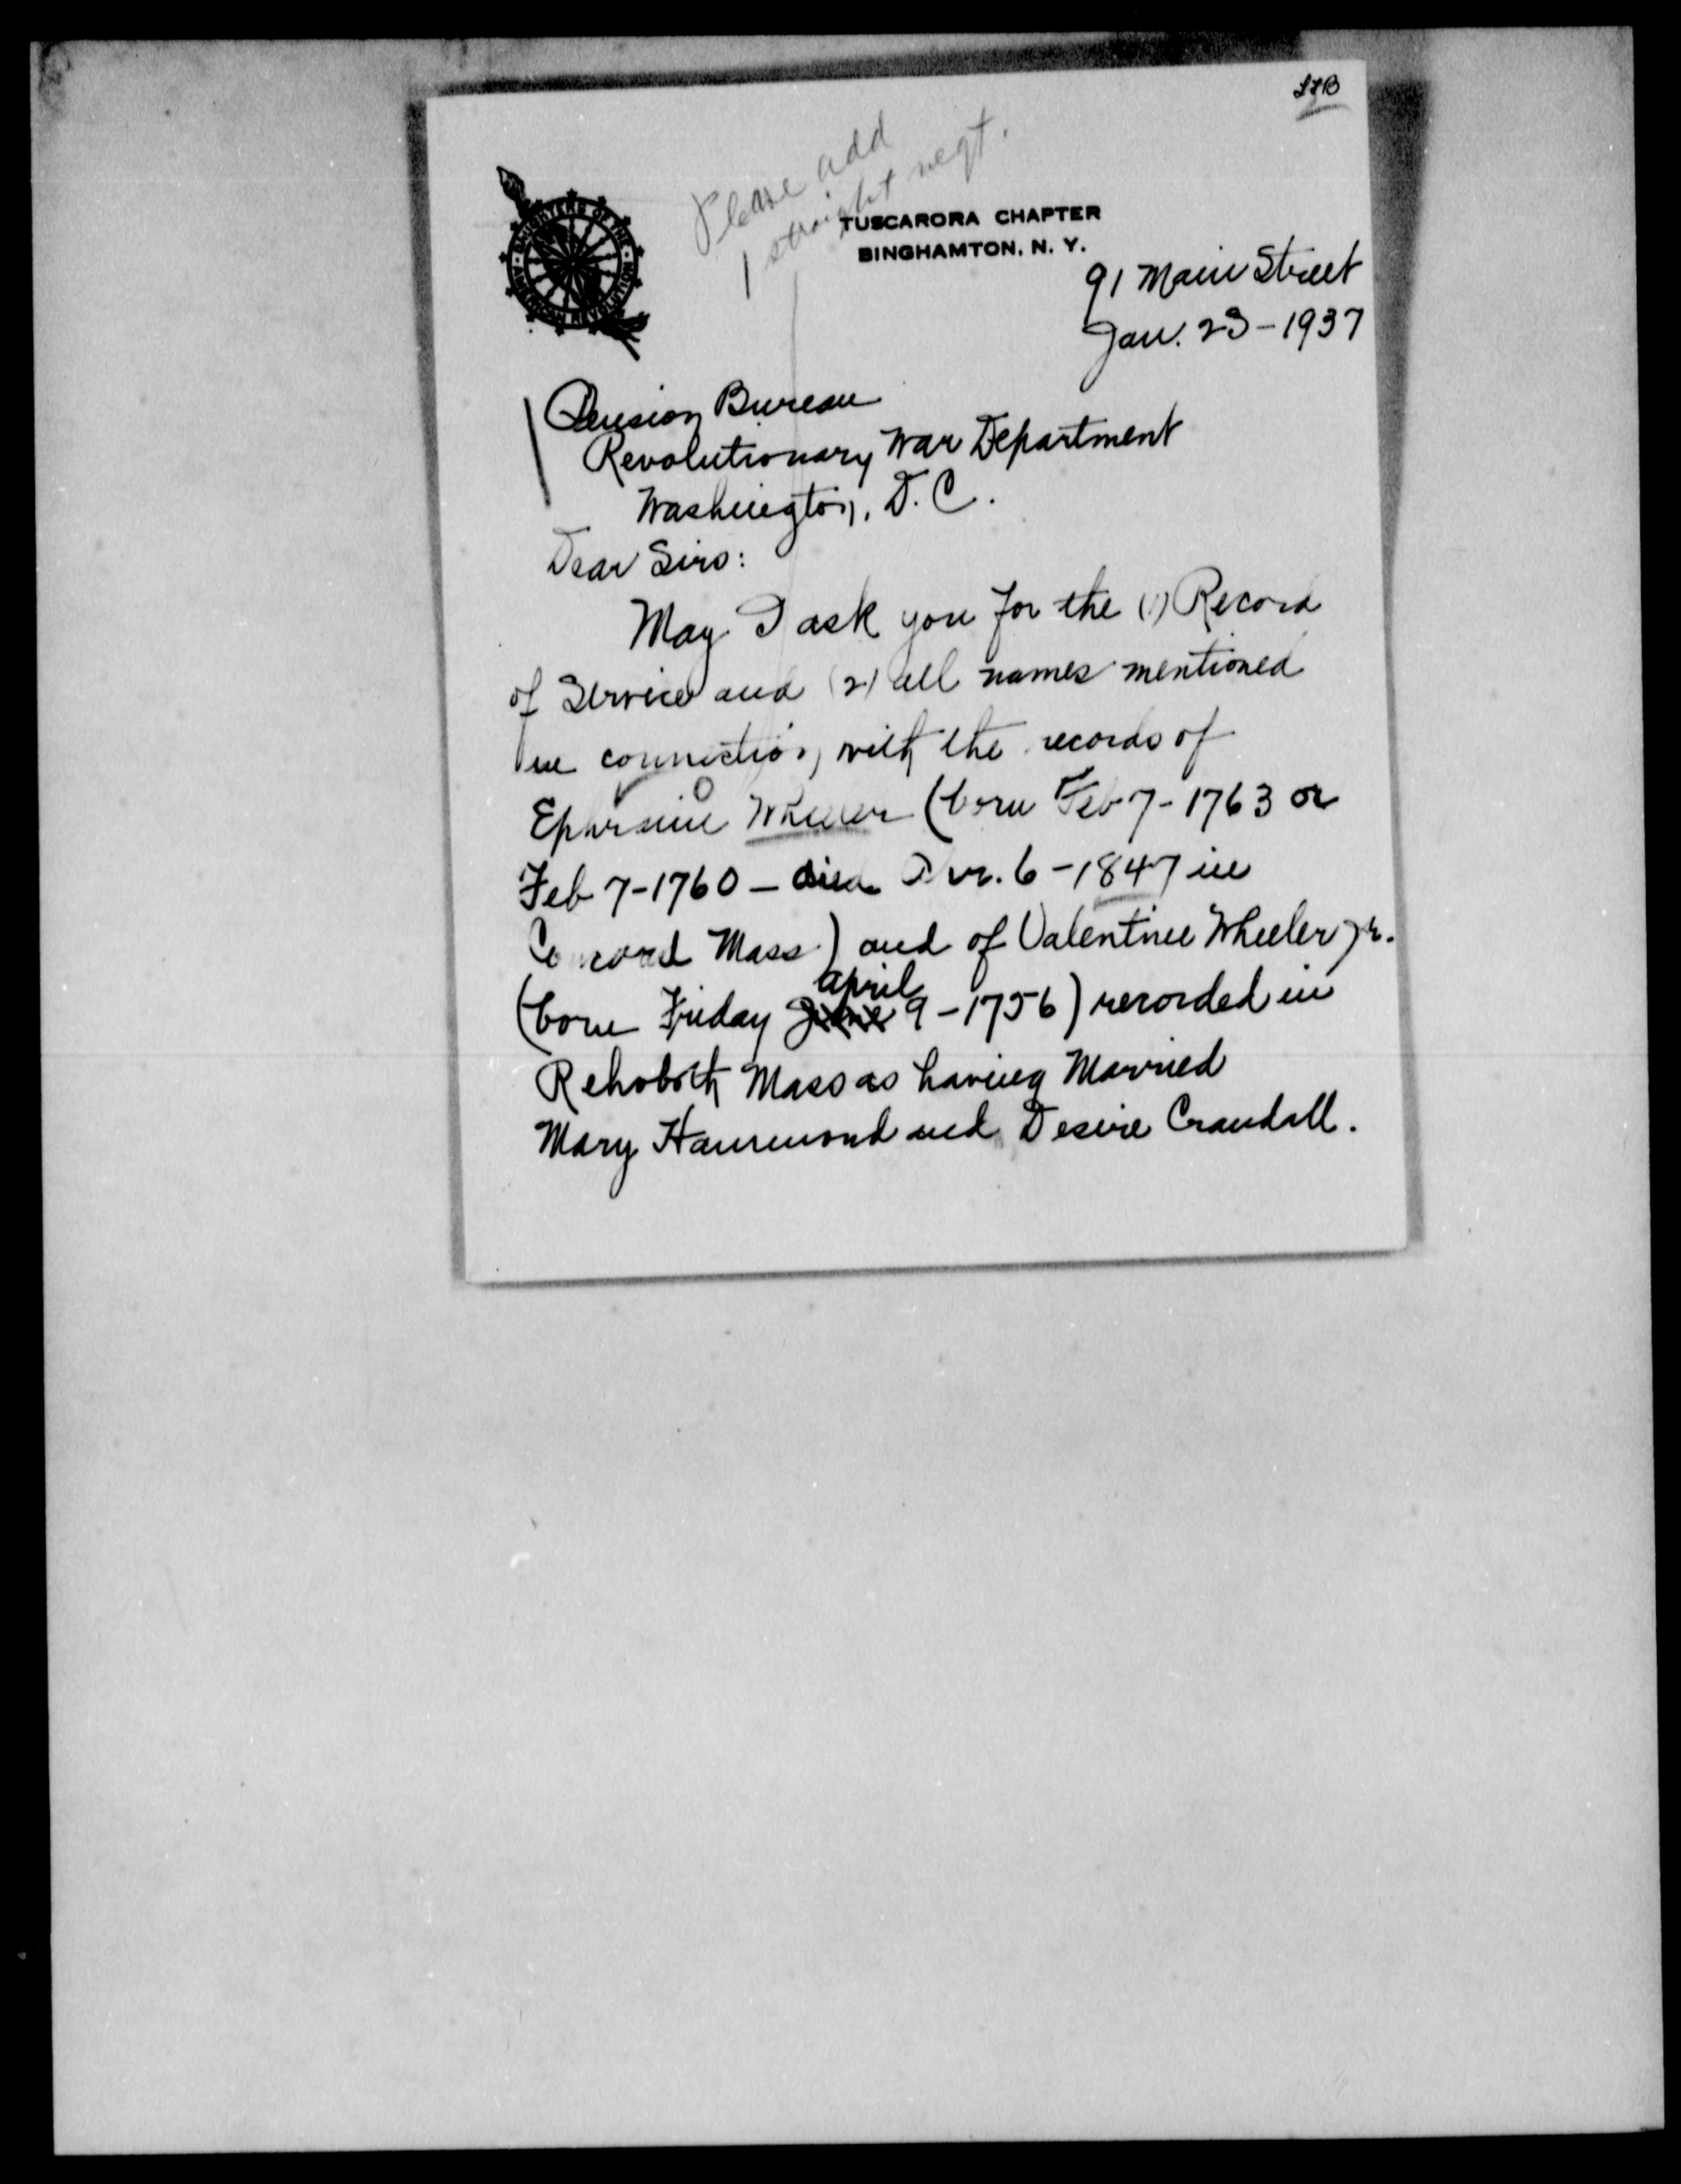[hand written-Please add 1 straight regt.
Logo of D. A. R.

Tuscarora Chapter
Binghamton, N. Y. 
91 Main Street
Jan. 23, 1937

Pension Bureau
Revolutionary War Department
Washington, D. C. 

Dear Sirs:
May I ask you for the (1) Record of Service and (2) all names mentioned in connection with the records of Ephraim Wheeler (born Feb.7 1763 or Feb. 7 1760--died Dec. 6 1847 in concord Mass.) and of Valentine Wheeler Jr. (born Friday April 9, 1756) recorded in Rehoboth, Mass as having married Mary Hammond and Desire Crandall.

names: Desire Crandall, Valentine Wheeler, Mary Hammond, Ephraim Wheeler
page: 55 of 98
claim: widow's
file: W. 1682, Valentine Wheeler, Mass.